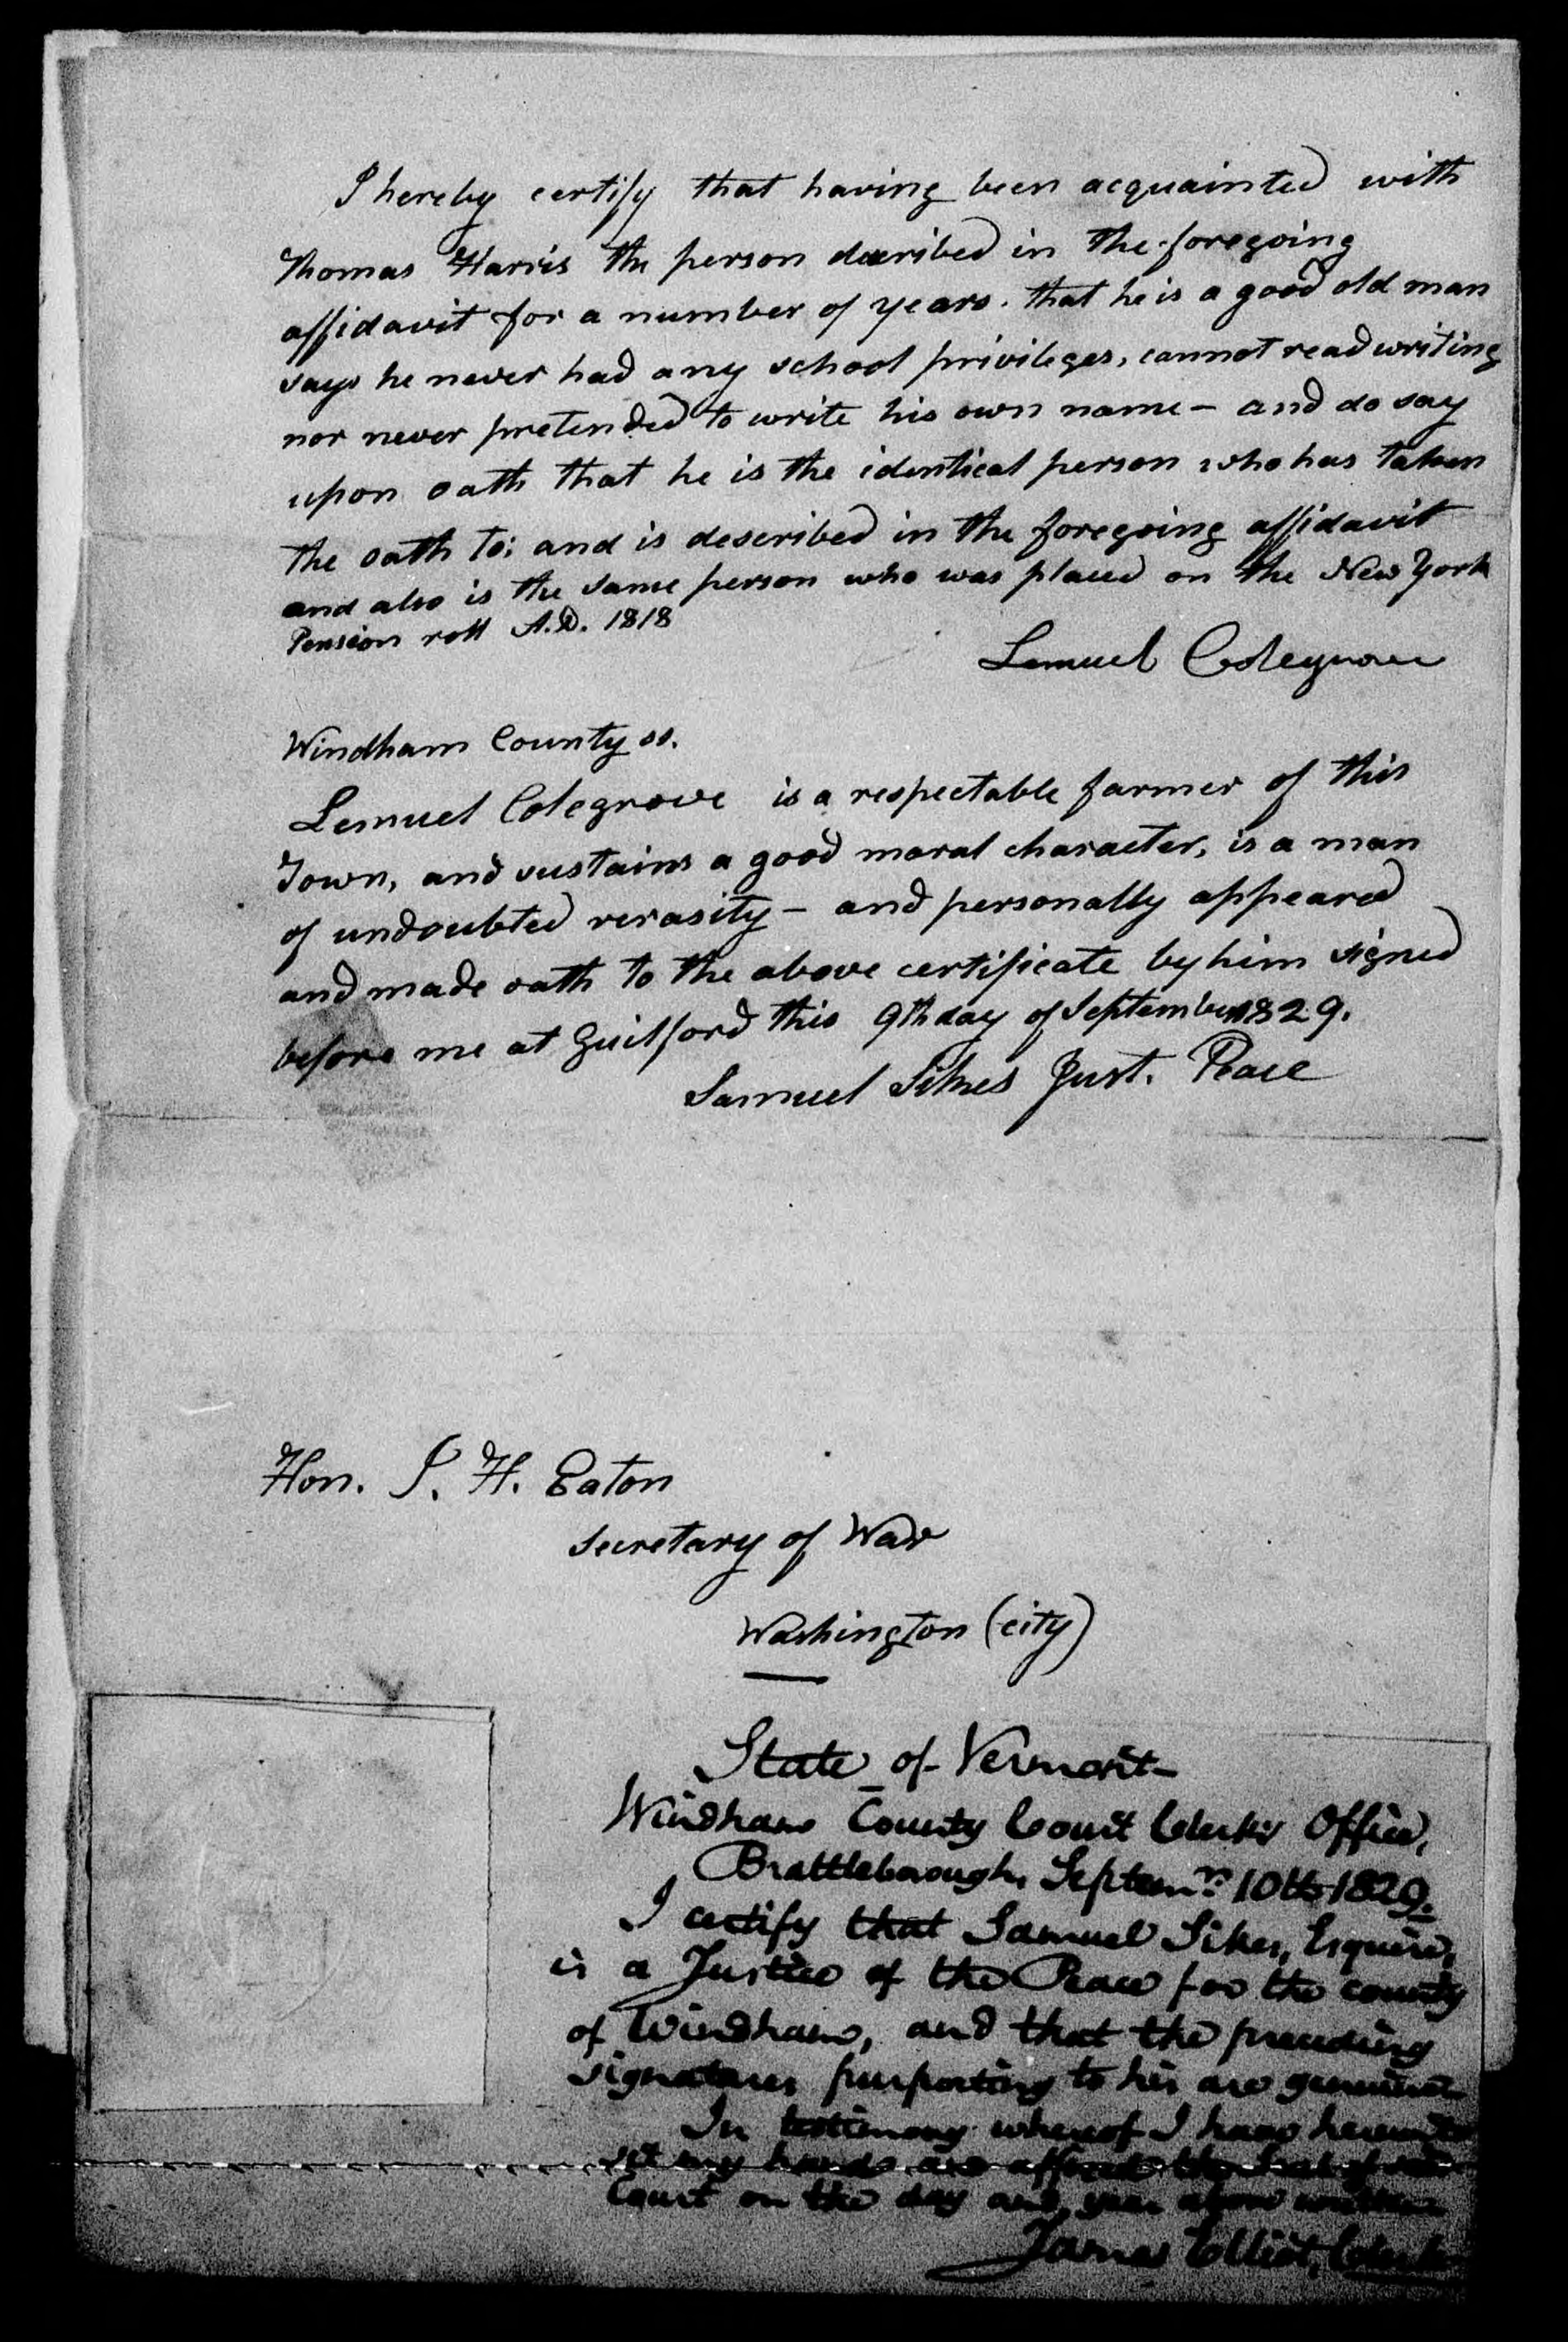I hereby certify that having been acquainted with Thomas Harris the person described in the foregoing affidavit for a number of years that he is a good old man says he never had any school privileges, cannot read writing nor never pretended to write his own name. And do say upon oath that he is the identical person who has taken the oath to and is described in the foregoing affidavit and also is the same person who was placed on the New York pension roll A.D. 1818 Lemuel Colegrove

Windham County ss. Lemuel Colegrove is a respectable farmer of this town, and sustains a good moral character, is a man of undoubted veracity. and personally appeared and mamd oath to the above certificate by him signed before me at Guilford this 9th day of September 1829. Samuel Sikes Just. Peace

Hon. J. H. Eaton Secretary of War Washington (city) State of Vermont Windham County Court Clerk's Office, Brattleborough, Septemr. 10th 1829. I certify that Samuel Sikes, Esquire, is a Justice of the Peace for the county of Windham, and that the preceeding signatures purporting to his are genuine. In testimony whereof I have hereunto set my hand and affixed the Seal of said Court on the day and year afore written James Elliot, Clerk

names: Samuel Sikes, Samuel Sikes, J H Eaton, James Elliot, Lemuel Colegrove, Lemuel Colegrove, Thomas Harris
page: 9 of 16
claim: survivor's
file: S. 38815, Thomas Harris, R.I.